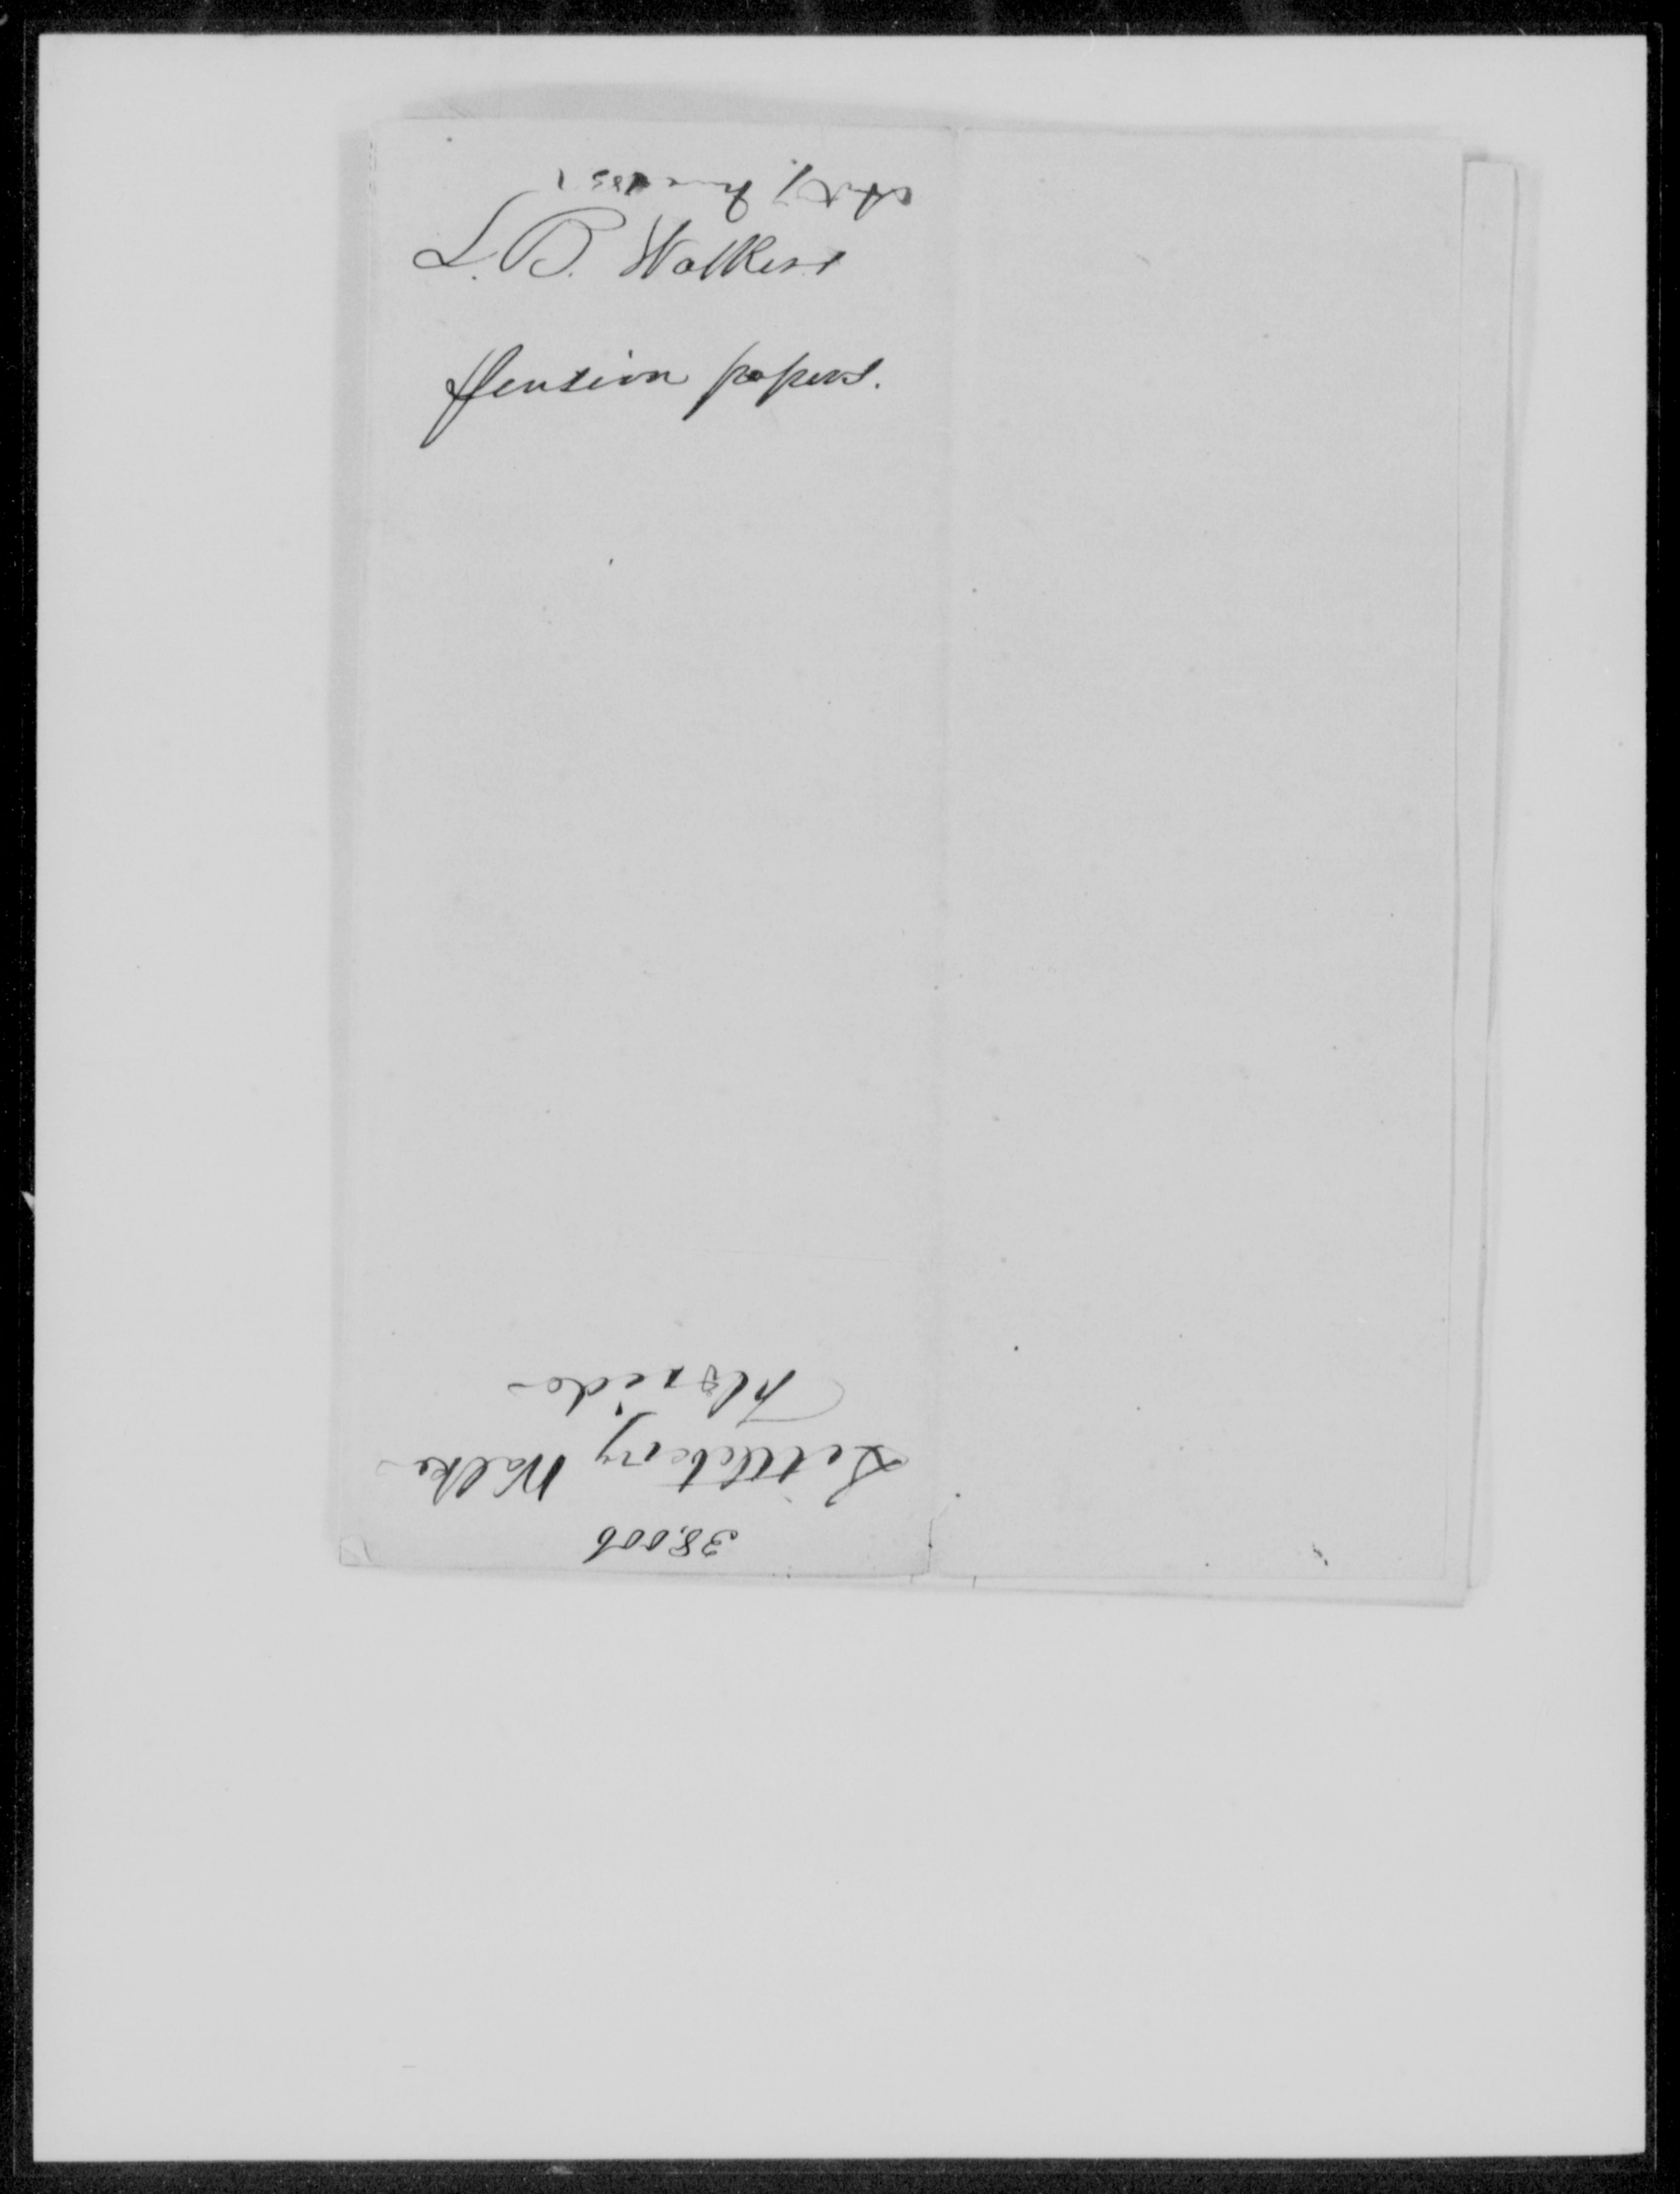[undecipherable word]
L.B. Walker
pension papers

[Upside down]
38006
Littleberry Walker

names: Littleberry Walker, L B Walker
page: 2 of 15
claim: rejected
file: R. 11045, Littleberry Walker, Ga.